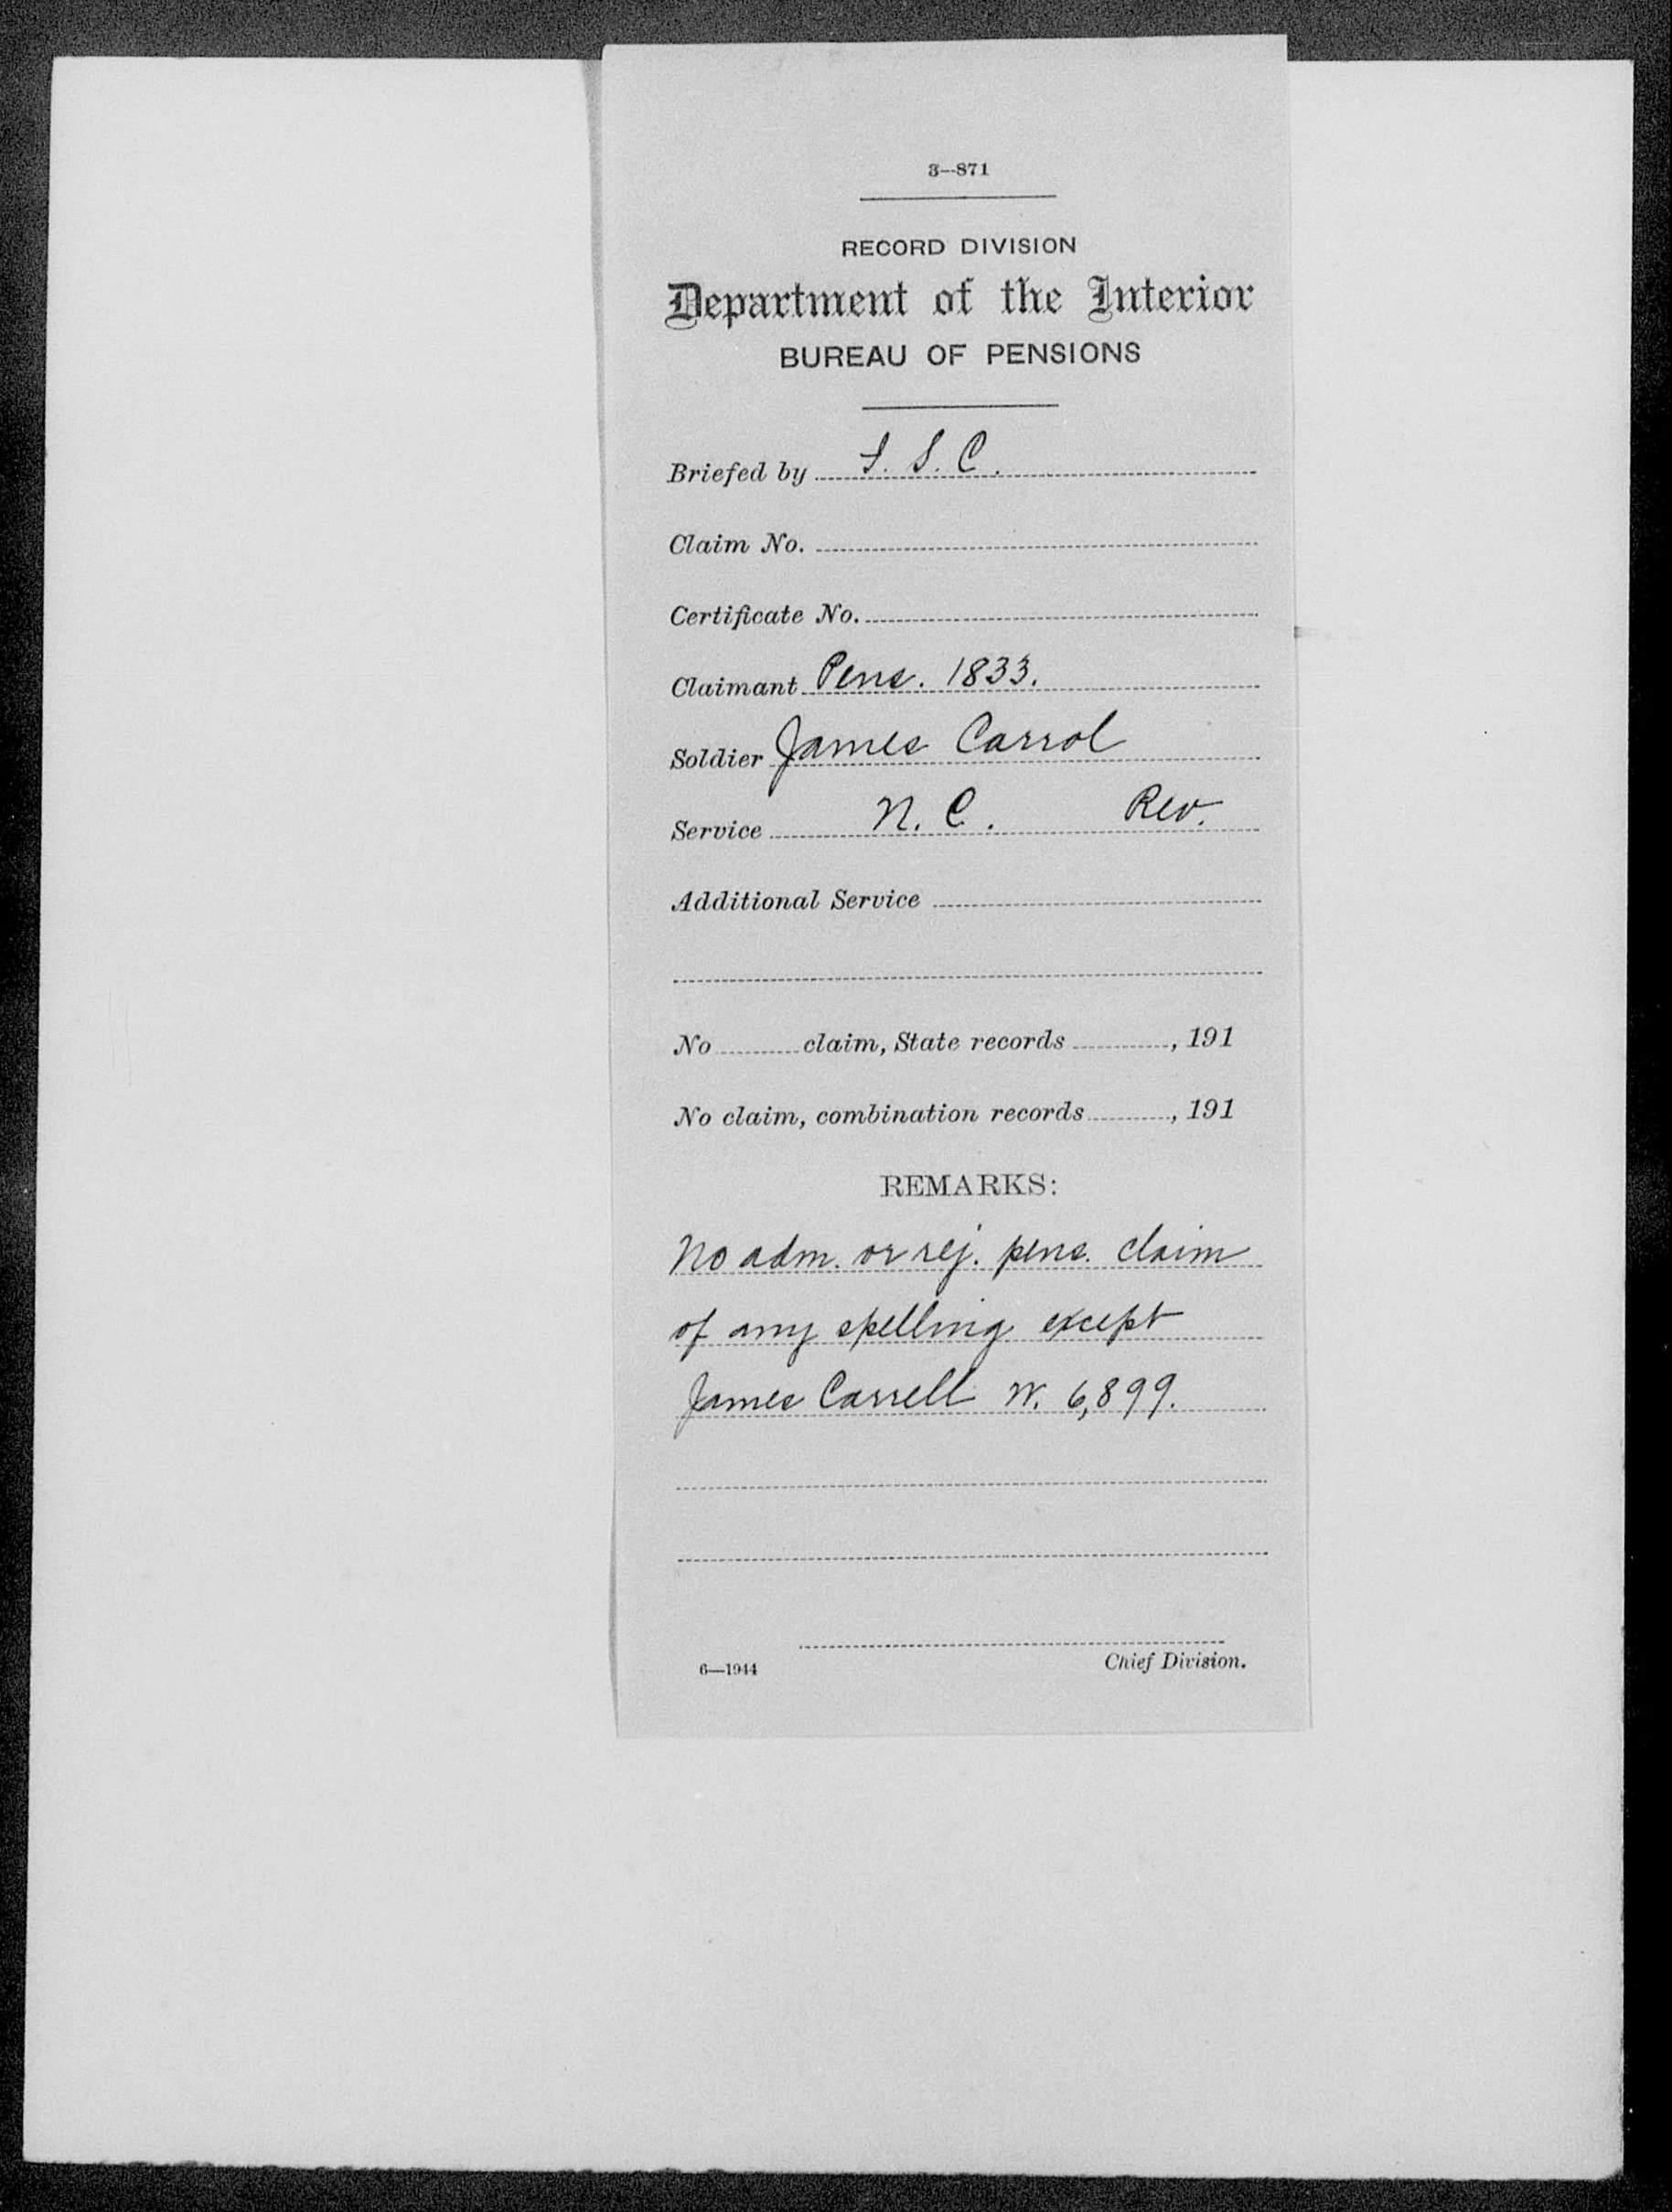3-871

Record Division 
Department of the Interior 
Bureau of Pensions

Briefed by L.S.C.
Claim No.....................
Certificate No.................
Claimant Pens. 1833.
Soldier James Carrell
Service N.C. Rev.
Additional Service..................
No......claim, State records........, 191
No claim, combination records......, 191

Remarks:
No Adm. or rej pens claim 
of any spelling except
James Carrell W. 6899


6-1944         Chief Division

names: James Carrol, James Carrell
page: 79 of 86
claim: widow's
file: W. 6899, James Carrell, N.C.